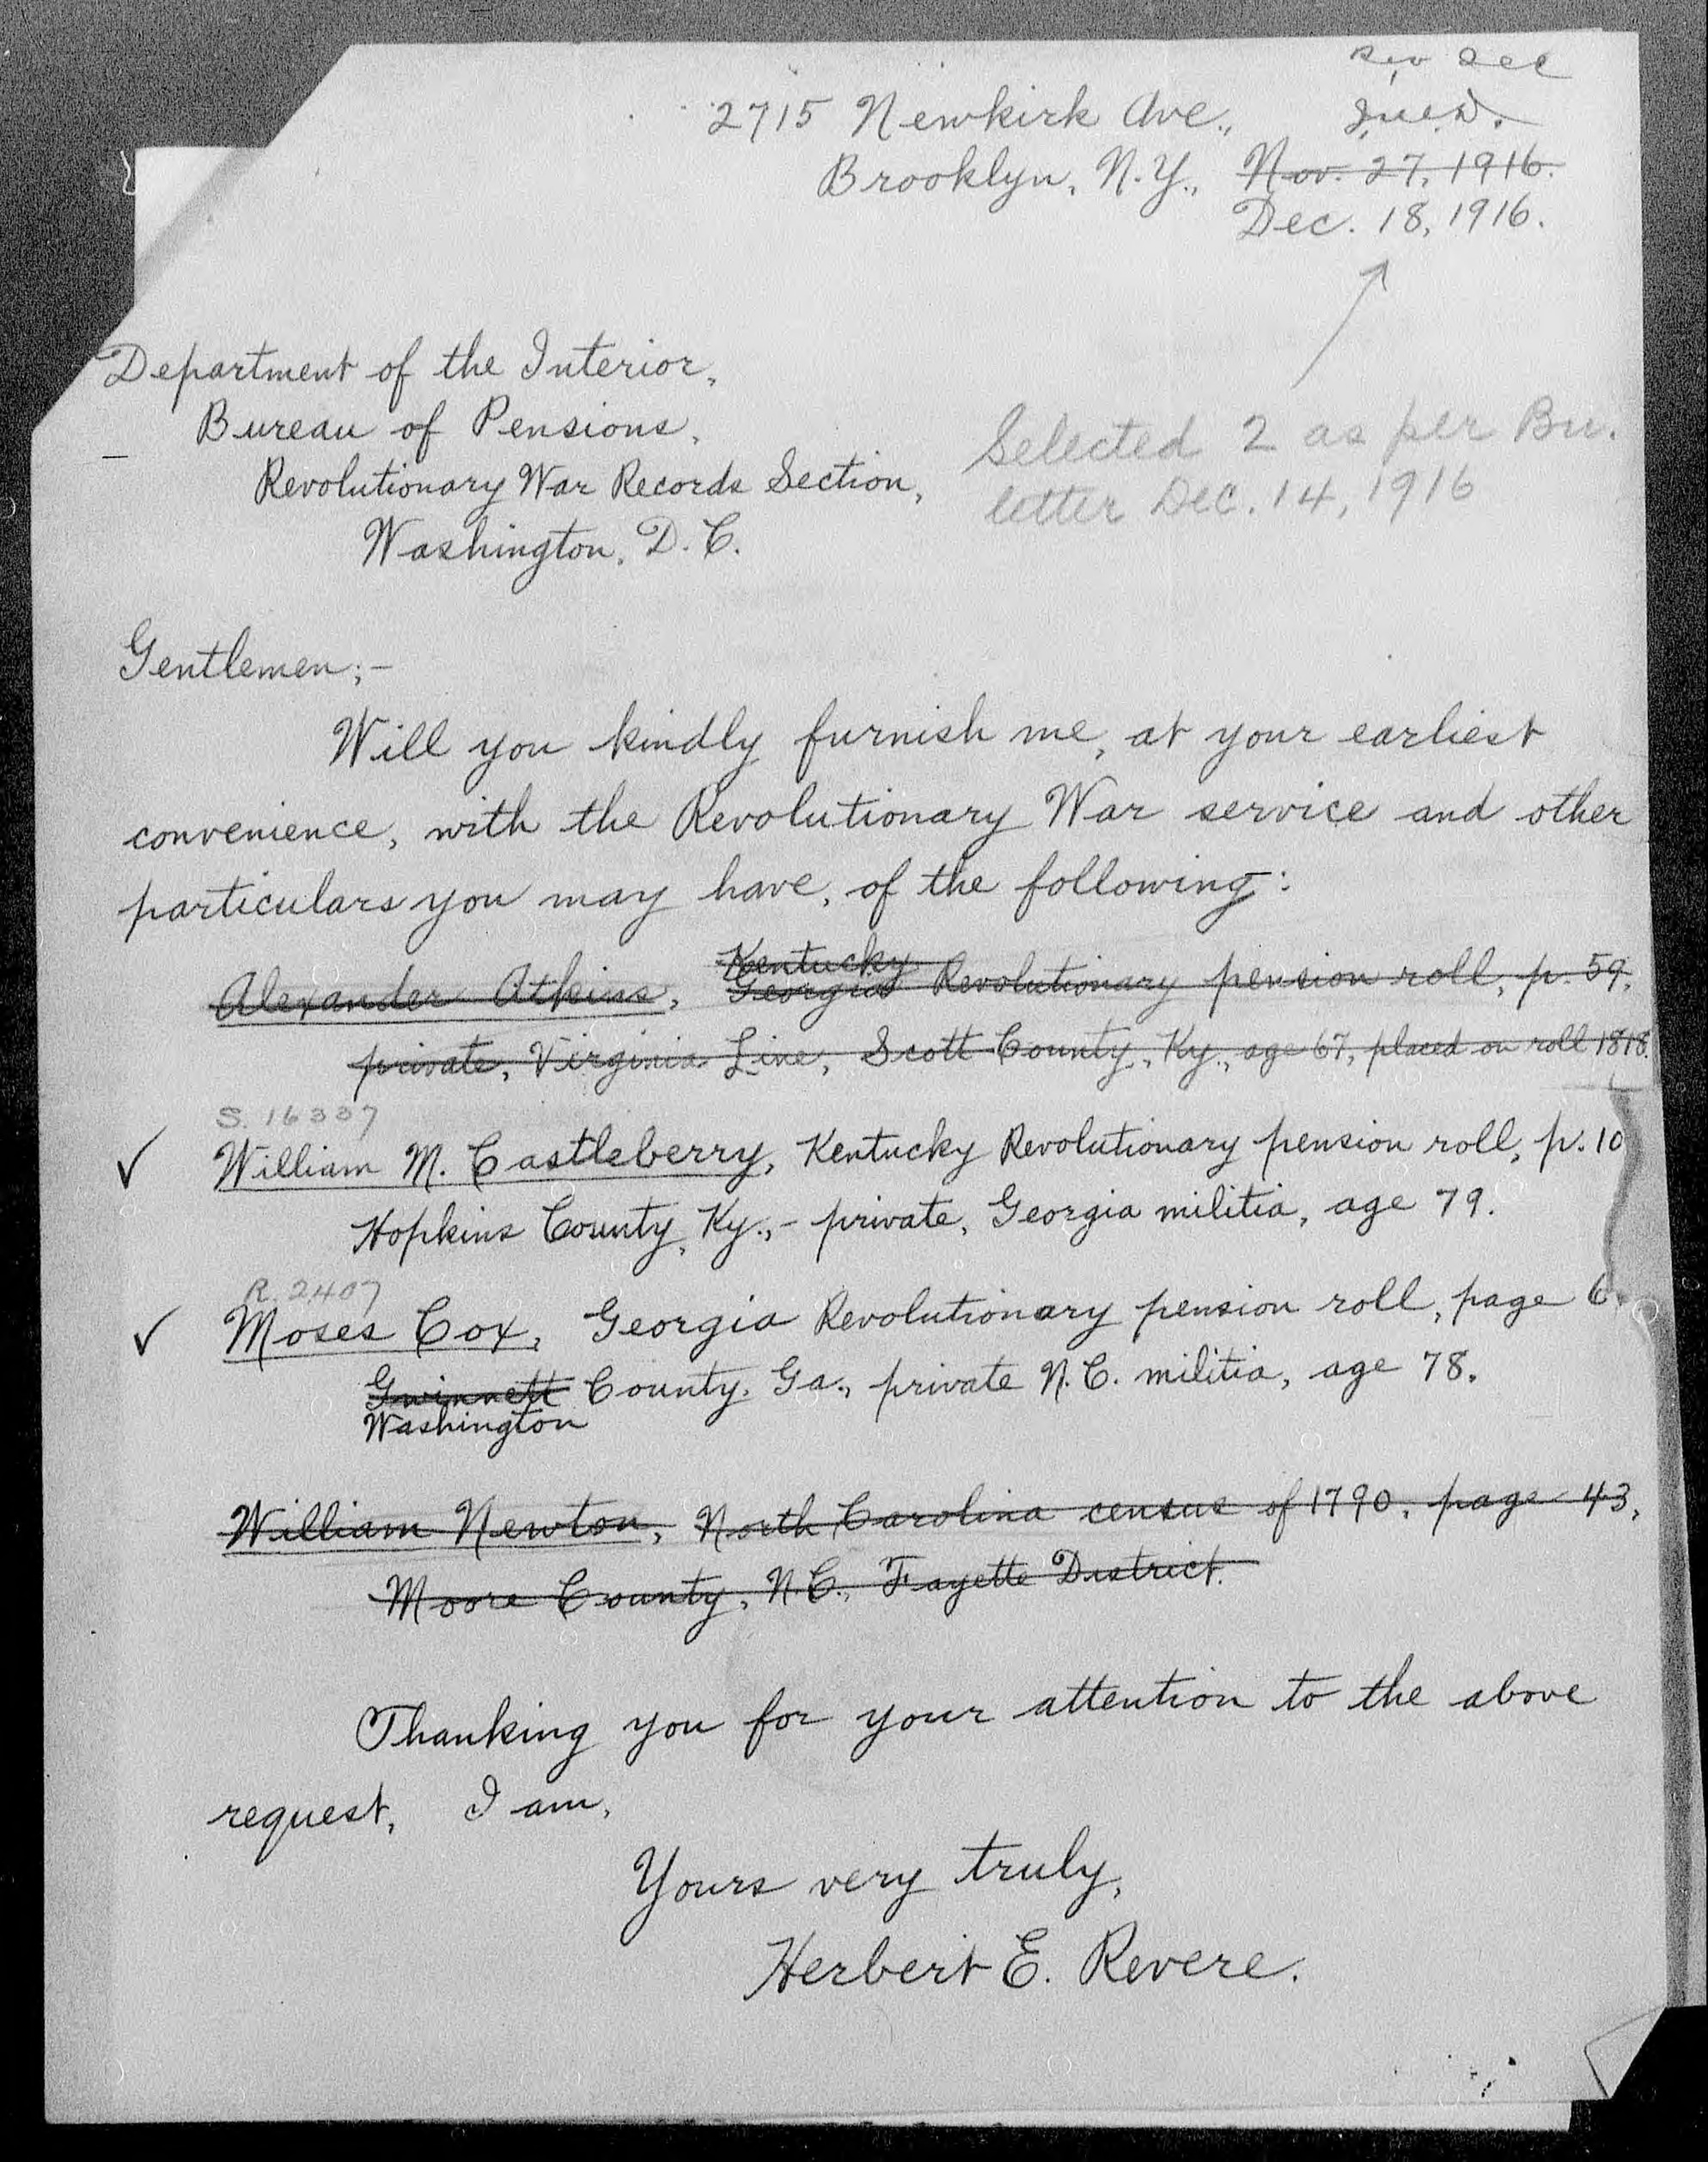[Rev Sec Issued] 
2715 Newkirk Ave.
Brooklyn, N.Y. Nov. 27, 1916. [Lined through]
                       Dec. 18, 1916.
(Selected 2 as per Bu. letter Dec. 14, 1916)
Department of the Interior,
Bureau of Pensions,
Revolutionary War Records Section,
Washington, D.C.
Gentlemen:
Will you kindly furnish me at your earliest
convenience, with the Revolutionary War service and other particulars you may have, of the following:
Alexander Atkins, Georgia, Kentucky Revolutionary pension roll, p. 59, private, Virginia Line, Scott County, Ky., age 67, placed on roll 1818. [This request lined through.]
S.16337
William M. Castleberry, Kentucky Revolutionary pension roll, p. 10, Hopkins County Ky., private, Georgia militia, age 79.
R.2407
Moses Cox, Georgia Revolutionary pension roll, page 6, Gwinnett [Stricken] Washington County Ga., private N. C. Militia, age 78.
William Newton, North Carolina census of 1790, page 43, Moore County, N. C. Fayette District [This request lined through.]
Thanking you for your attention to the above
request,
I am,
Yours very truly
Herbert E. Revere.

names: William Newton, Moses Cox, Herbert E Revere, William M Castleberry, Alexander Atkins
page: 20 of 20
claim: survivor's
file: S. 16,337, William M Castleberry, Ga.